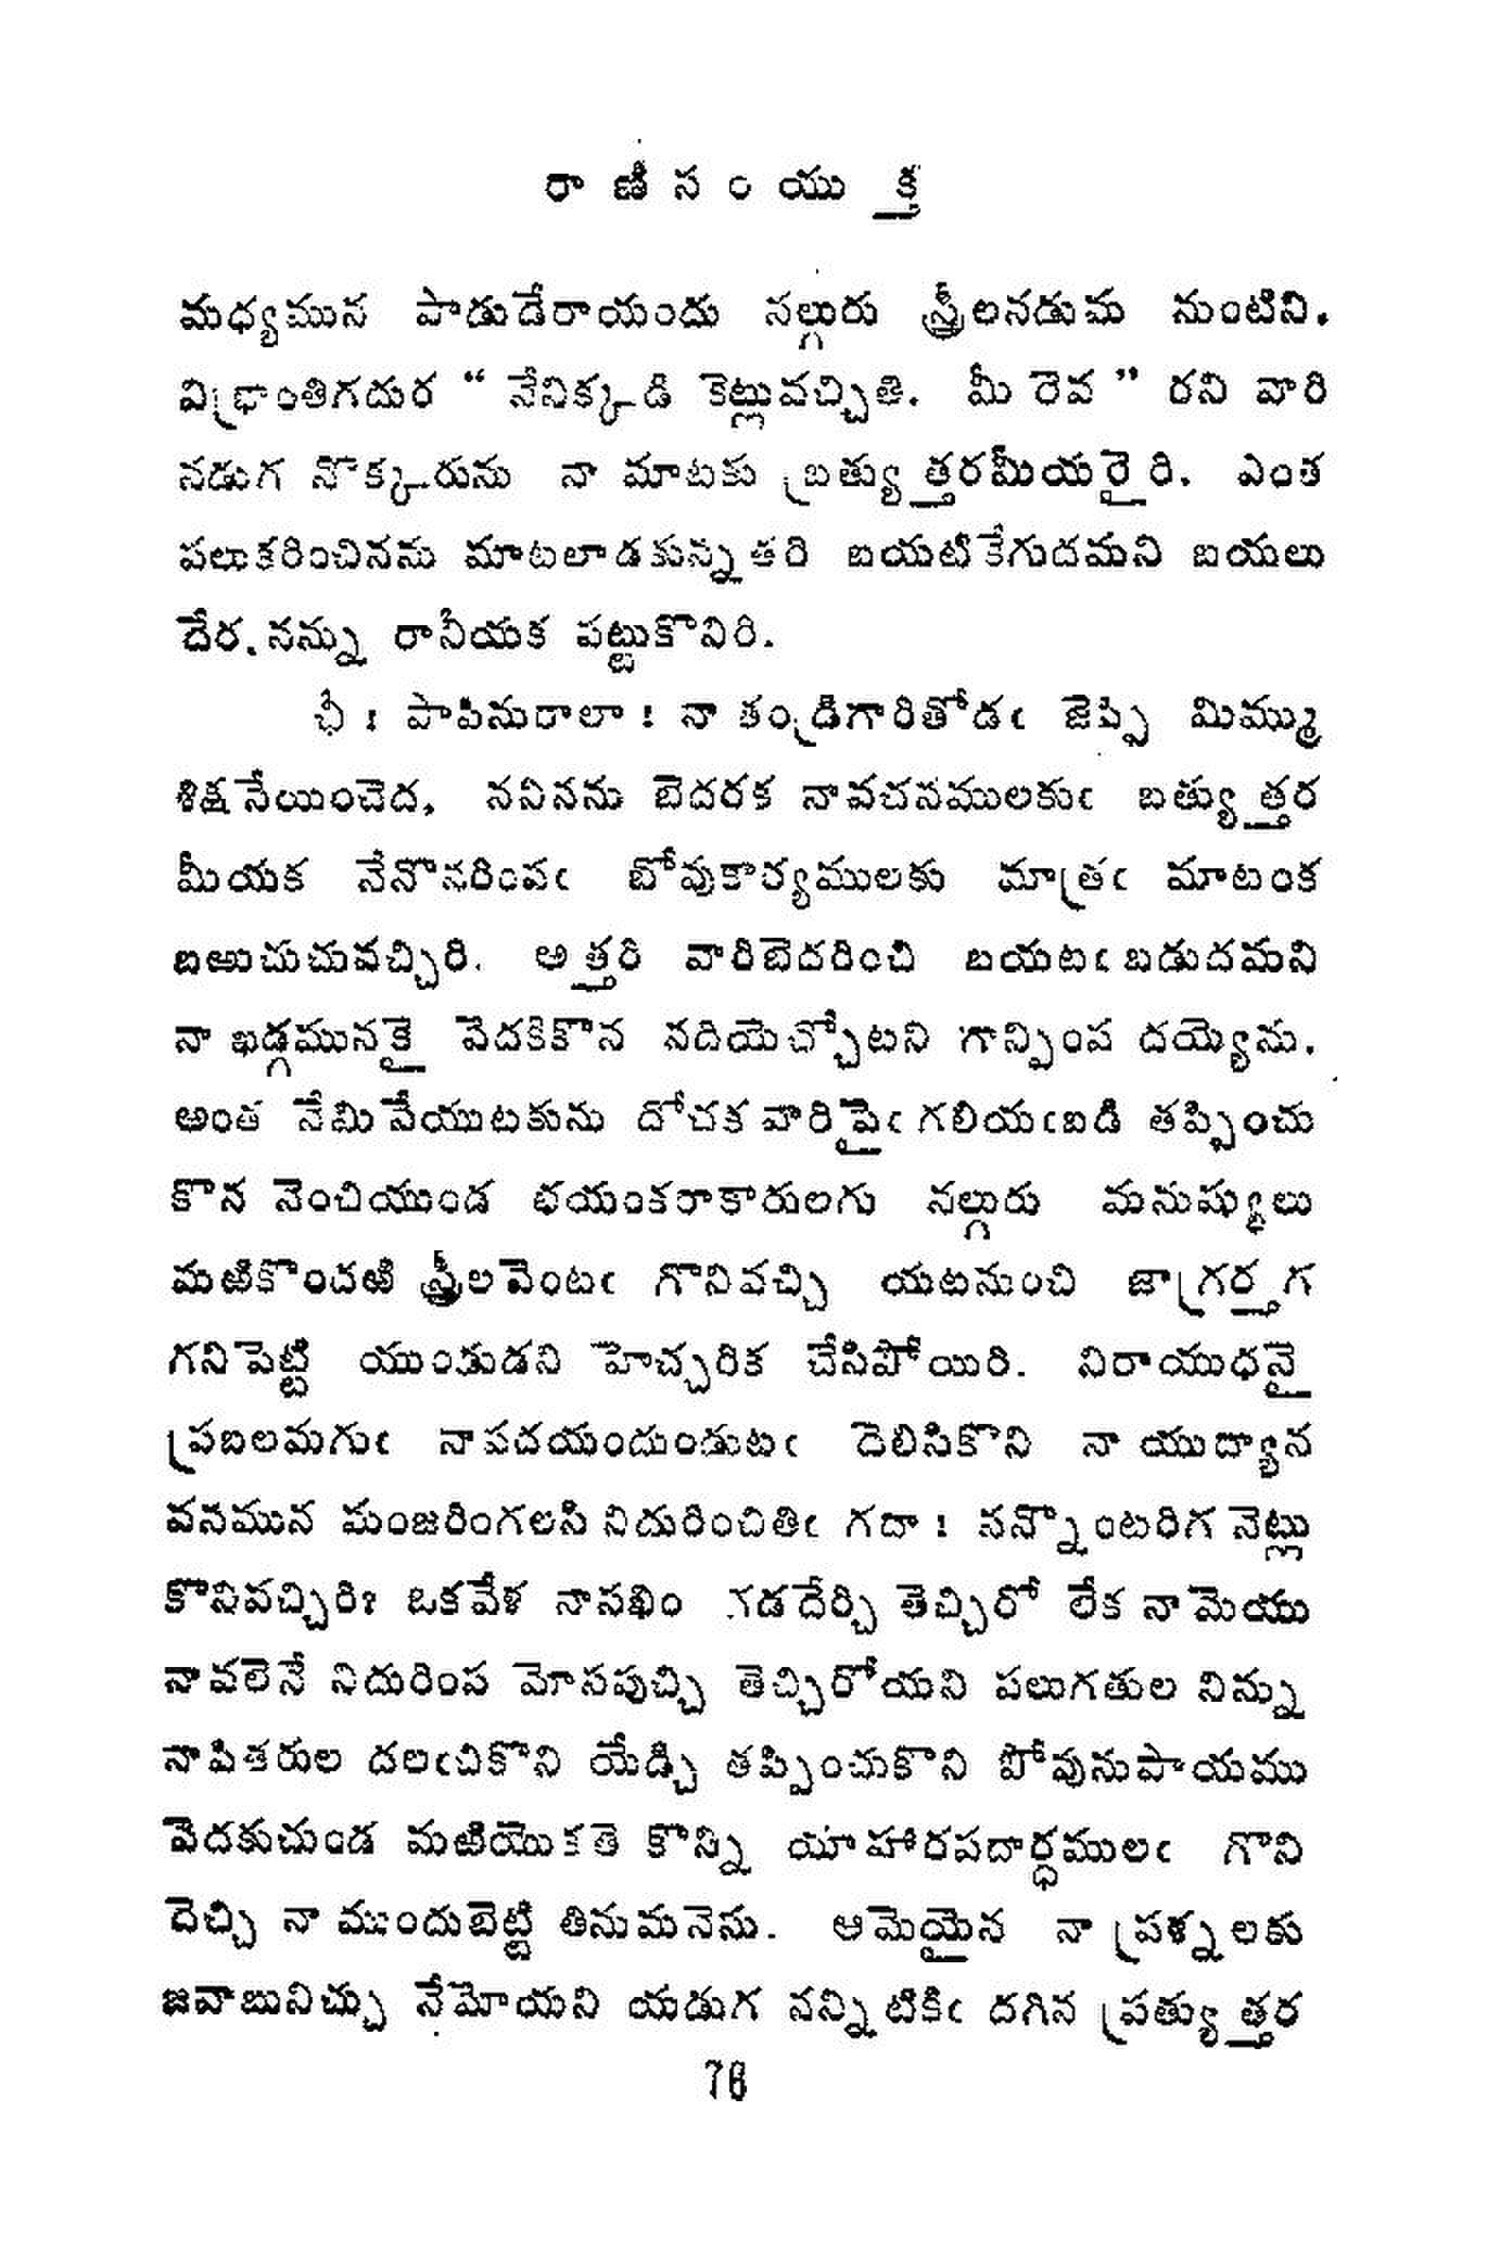మధ్యమున పాడుడేరాయందు నల్గురు స్త్రీలనడుమ నుంటిని. విభ్రాంతిగదుర “ నేనిక్కడి కెట్లువచ్చితి. మీ రెవ" రని వారి నడుగ నొక్కరును నా మాటకు బ్రత్యుత్తరమీయరైరి, ఎంత పలుకరించినను మాటలాడకున్నతరి బయటికేగుదమని బయలుచేర, నన్ను రానీయక పట్టుకొనిరి.

ఛీ ! పాపినురాలా ! నా తండ్రిగారితోడఁ జెప్పి మిమ్ము శిక్ష నేయించెద, ననినను బెదరక నావచనములకుఁ బత్యుత్తర మీయక నేనొనరింపఁ బోవుకార్యములకు మాత్రఁ మాటంక బఱుచుచువచ్చిరి. అత్తరి వారిబెదరించి బయటఁ బడుదమని నా ఖడ్గమునకై వెదకికొన నదియెచ్చోటని గాన్పింప దయ్యెను. అంత నేమిసేయుటకును దోచకవారిపైఁ గలియఁబడి తప్పించు కొన నెంచియుండ భయంకరాకారులగు నల్గురు మనుష్యులు మఱికొందఱి స్త్రీలవెంటఁ గొనివచ్చి యటనుంచి జాగ్రర్తగ గనిపెట్టి యుండుడని హెచ్చరిక చేసిపోయిరి. నిరాయుధనై ప్రబలమగుఁ నాపదయందుండుటఁ దెలిసికొని నా యుద్యాన వనమున మంజరింగలసి నిదురించితిఁ గదా! నన్నొంటరిగ నెట్లు కొనివచ్చిరి? ఒక వేళ సాసఖిం గడదేర్చి తెచ్చిరో లేక నామెయు నావలెనే నిదురింప మోసపుచ్చి తెచ్చిరోయని పలుగతుల నిన్ను నాపితరుల దలఁచికొని యేడ్చి తప్పించుకొని పోవునుపాయము వెదకుచుండ మఱియొకతె కొన్ని యాహారపదార్ధములఁ గొనిదెచ్చి నా ముందుబెట్టి తినుమనెను. ఆమెయైన నా ప్రశ్నలకు జవాబునిచ్చు నేమోయని యడుగ నన్నిటికిఁ దగిన ప్రత్యుత్తర